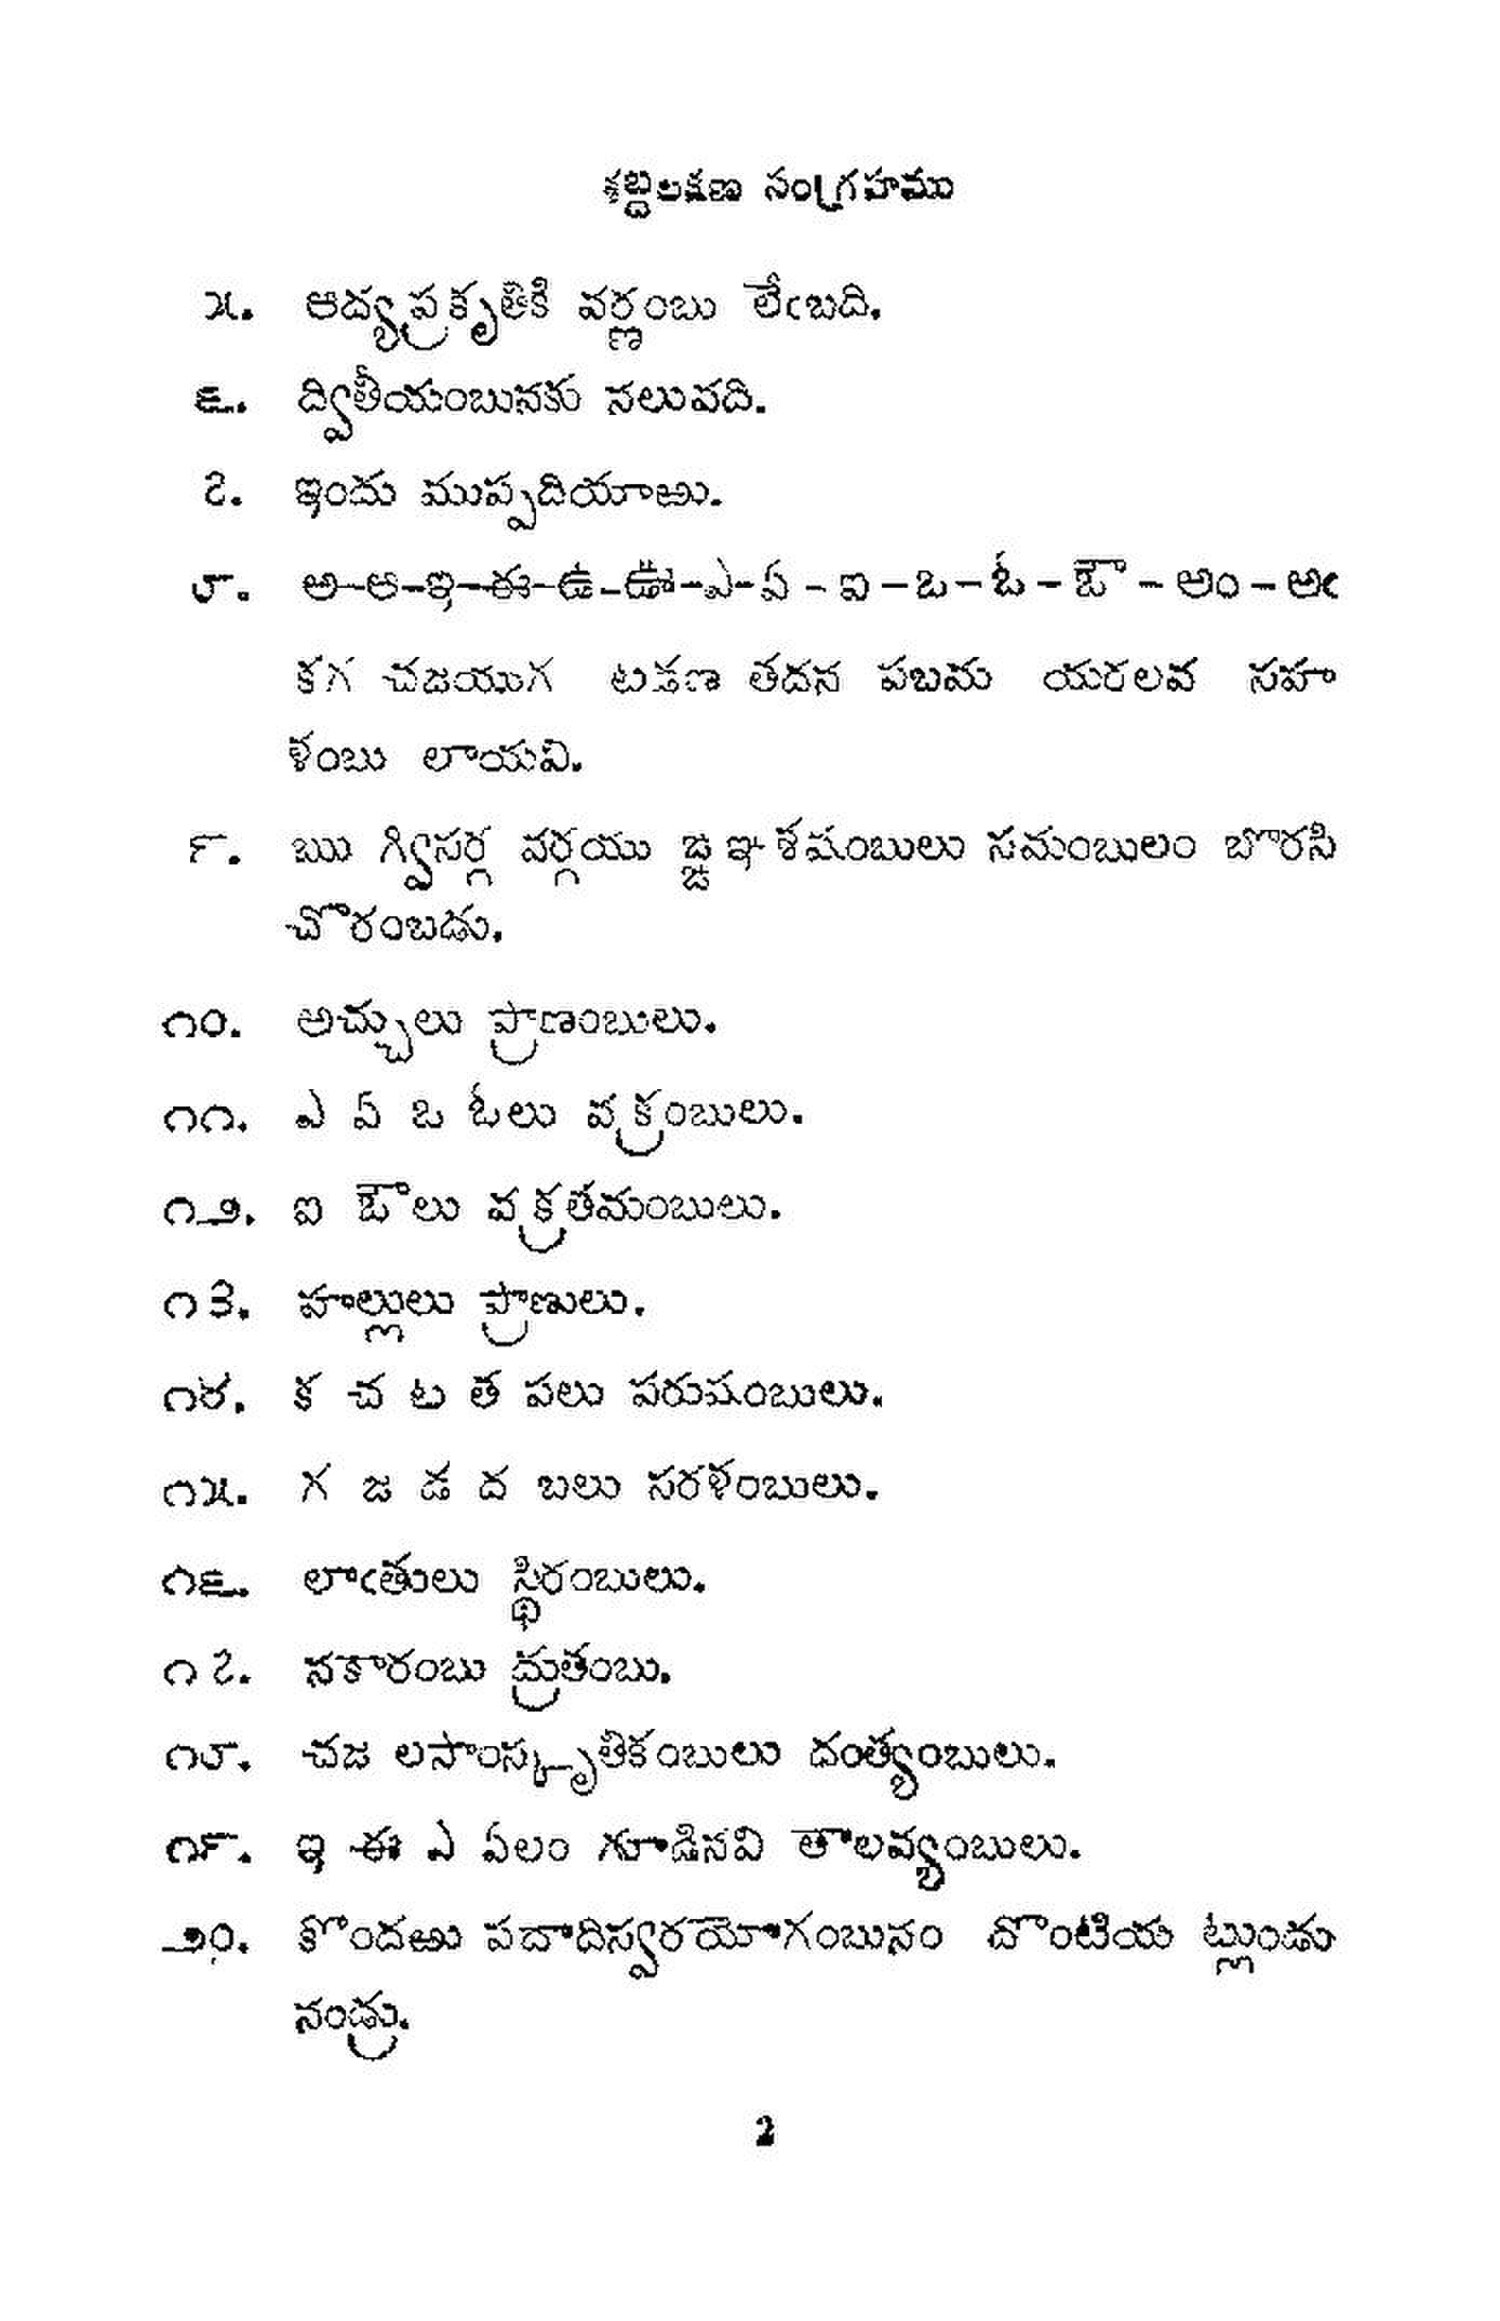5. ఆద్యప్రకృతికి వర్ణంబు లేఁబది. 

6. ద్వితీయంబునకు నలువది. 

7. ఇందు ముప్పదియాఱు. 

8. అ-ఆ-ఇ-ఈ-ఉ-ఊ-ఎ-ఏ-ఐ-ఒ-ఓ-ఔ-అం-అఁ

కగ చజయుగ టడణ తదన పబమ యరలవ సహ ళంబు లాయవి.

9. ఋ గ్విసర్గ వర్గయు ఙఙ ఞ ఇశషంబులు సమంబులం బొరఐ చొరంబడు. 

10. అచ్చులు ప్రాణంబులు.

11. ఎ ఏ ఒ ఓలు వక్రంబులు. 

12. ఐ ఔలు వక్రతమంబులు. 

13. హల్లులు ప్రాణులు. 

14. క చ ట త పలు పరుషంబులు, 

15. గ జ డ ద బలు సరళంబులు. 

16. లాఁతులు స్థిరంబులు. 

17. సకారంబు ద్రుతంబు. 

18. చజ లసాంస్కృతికంబులు దంత్యంబులు. 

19. ఇ ఈ ఎ ఏలం గూడినవి తాలవ్యంబులు. 

20. కొందఱు పదాదిస్వరయోగంబునం దొంటియ ట్లుండు నండ్రు.